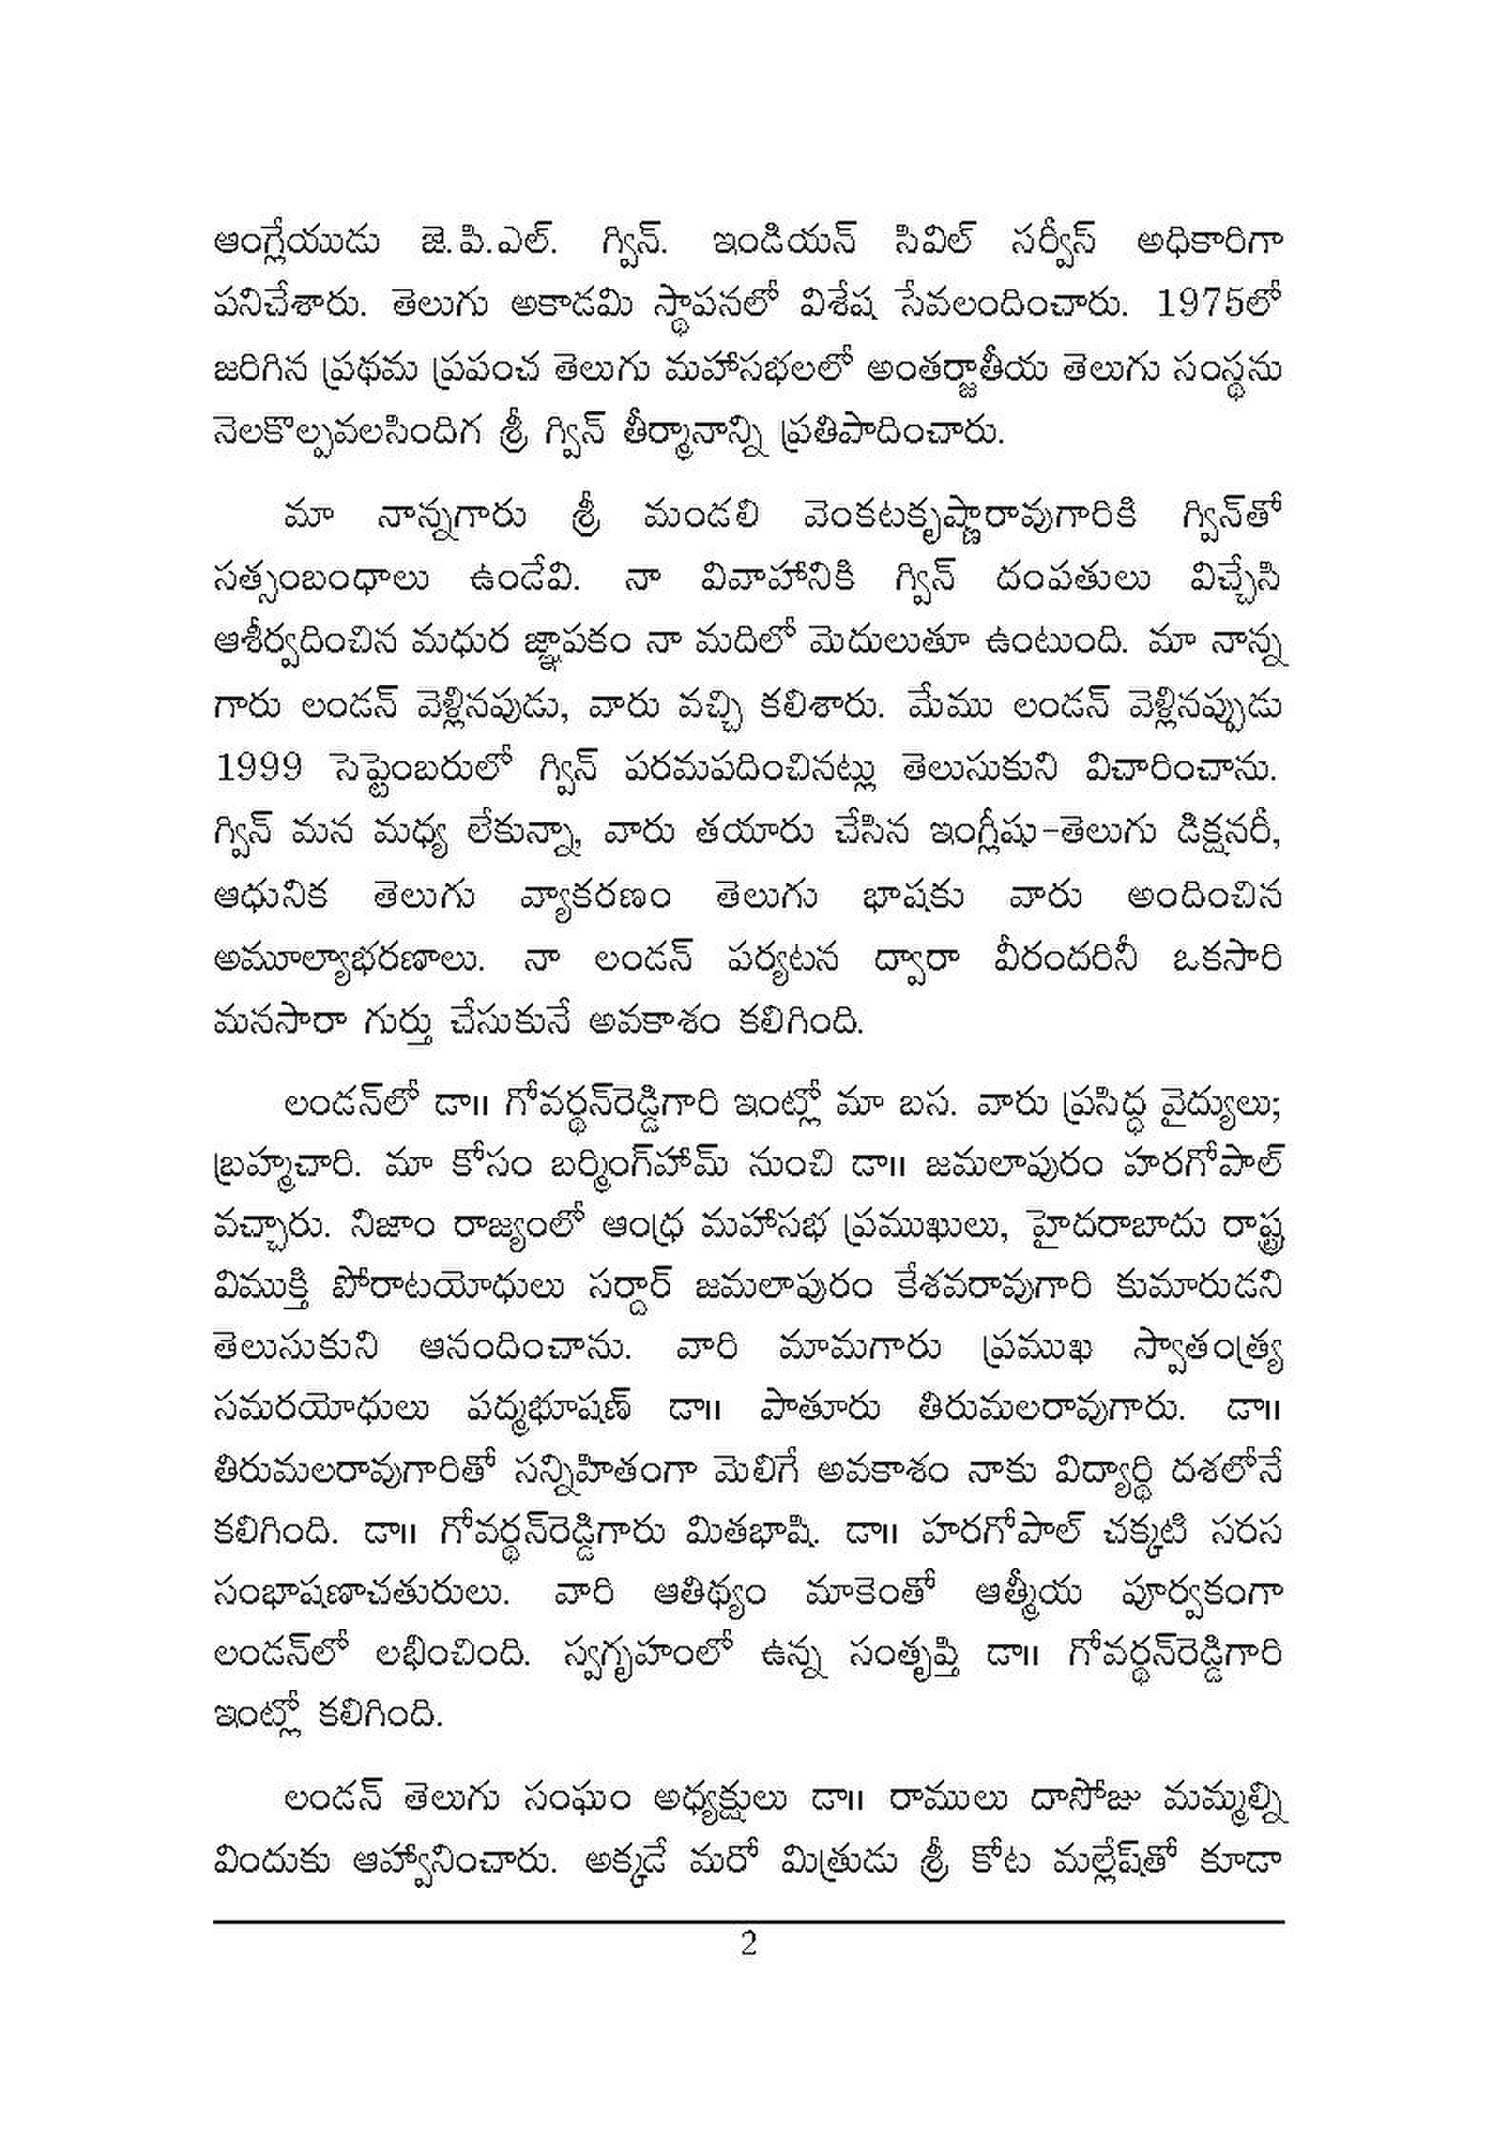ఆంగ్లేయుడు జె.పి.ఎల్. గ్విన్ ఇండియన్ సివిల్ సర్వీస్ అధికారిగా పనిచేశారు. తెలుగు అకాడమి స్థాపనలో విశేష సేవలందించారు. 1975లో జరిగిన ప్రథమ ప్రపంచ తెలుగు మహాసభలలో అంతర్జాతీయ తెలుగు సంస్థను నెలకొల్పవలసిందిగ శ్రీ గ్విన్ తీర్మానాన్ని ప్రతిపాదించారు.

మా నాన్నగారు శ్రీ మండలి వెంకటకృష్ణారావుగారికి గ్విన్‍తో సత్సంబంధాలు ఉండేవి. నా వివాహానికి గ్విన్ దంపతులు విచ్చేసి ఆశీర్వదించిన మధుర జ్ఞాపకం నా మదిలో మెదులుతూ ఉంటుంది. మా నాన్న గారు లండన్ వెళ్లినపుడు, వారు వచ్చి కలిశారు. మేము లండన్ వెళ్లినప్పుడు 1999 సెప్టెంబరులో గ్విన్ పరమపదించినట్లు తెలుసుకుని విచారించాను. గ్విన్ మన మధ్య లేకున్నా, వారు తయారు చేసిన ఇంగ్లీషు-తెలుగు డిక్షనరీ, ఆధునిక తెలుగు వ్యాకరణం తెలుగు భాషకు వారు అందించిన అమూల్యాభరణాలు. నా లండన్ పర్యటన ద్వారా వీరందరినీ ఒకసారి మనసారా గుర్తు చేసుకునే అవకాశం కలిగింది.
లండన్లో డా॥ గోవర్ధన్‍రెడ్డిగారి ఇంట్లో మా బస. వారు ప్రసిద్ధ వైద్యులు; బ్రహ్మచారి. మా కోసం బర్మింగ్‍హామ్ నుంచి డా॥ జమలాపురం హరగోపాల్ వచ్చారు. నిజాం రాజ్యంలో ఆంధ్ర మహాసభ ప్రముఖులు, హైదరాబాదు రాష్ట్ర విముక్తి పోరాటయోధులు సర్దార్ జమలాపురం కేశవరావుగారి కుమారుడని తెలుసుకుని ఆనందించాను. వారి మామగారు ప్రముఖ స్వాతంత్ర్య సమరయోధులు పద్మభూషణ్ డా॥ పాతూరు తిరుమలరావుగారు. డా॥ తిరుమలరావుగారితో సన్నిహితంగా మెలిగే అవకాశం నాకు విద్యార్థి దశలోనే కలిగింది. డా॥ గోవర్ధన్‍రెడ్డిగారు మితభాషి. డా॥ హరగోపాల్ చక్కటి సరస సంభాషణాచతురులు. వారి ఆతిథ్యం మాకెంతో ఆత్మీయ పూర్వకంగా లండన్‍లో లభించింది. స్వగృహంలో ఉన్న సంతృప్తి డా॥ గోవర్ధన్‍రెడ్డిగారి ఇంట్లో కలిగింది.

లండన్ తెలుగు సంఘం అధ్యక్షులు డా॥ రాములు దాసోజు మమ్మల్ని విందుకు ఆహ్వానించారు. అక్కడే మరో మిత్రుడు శ్రీ కోట మల్లేష్‍తో కూడా